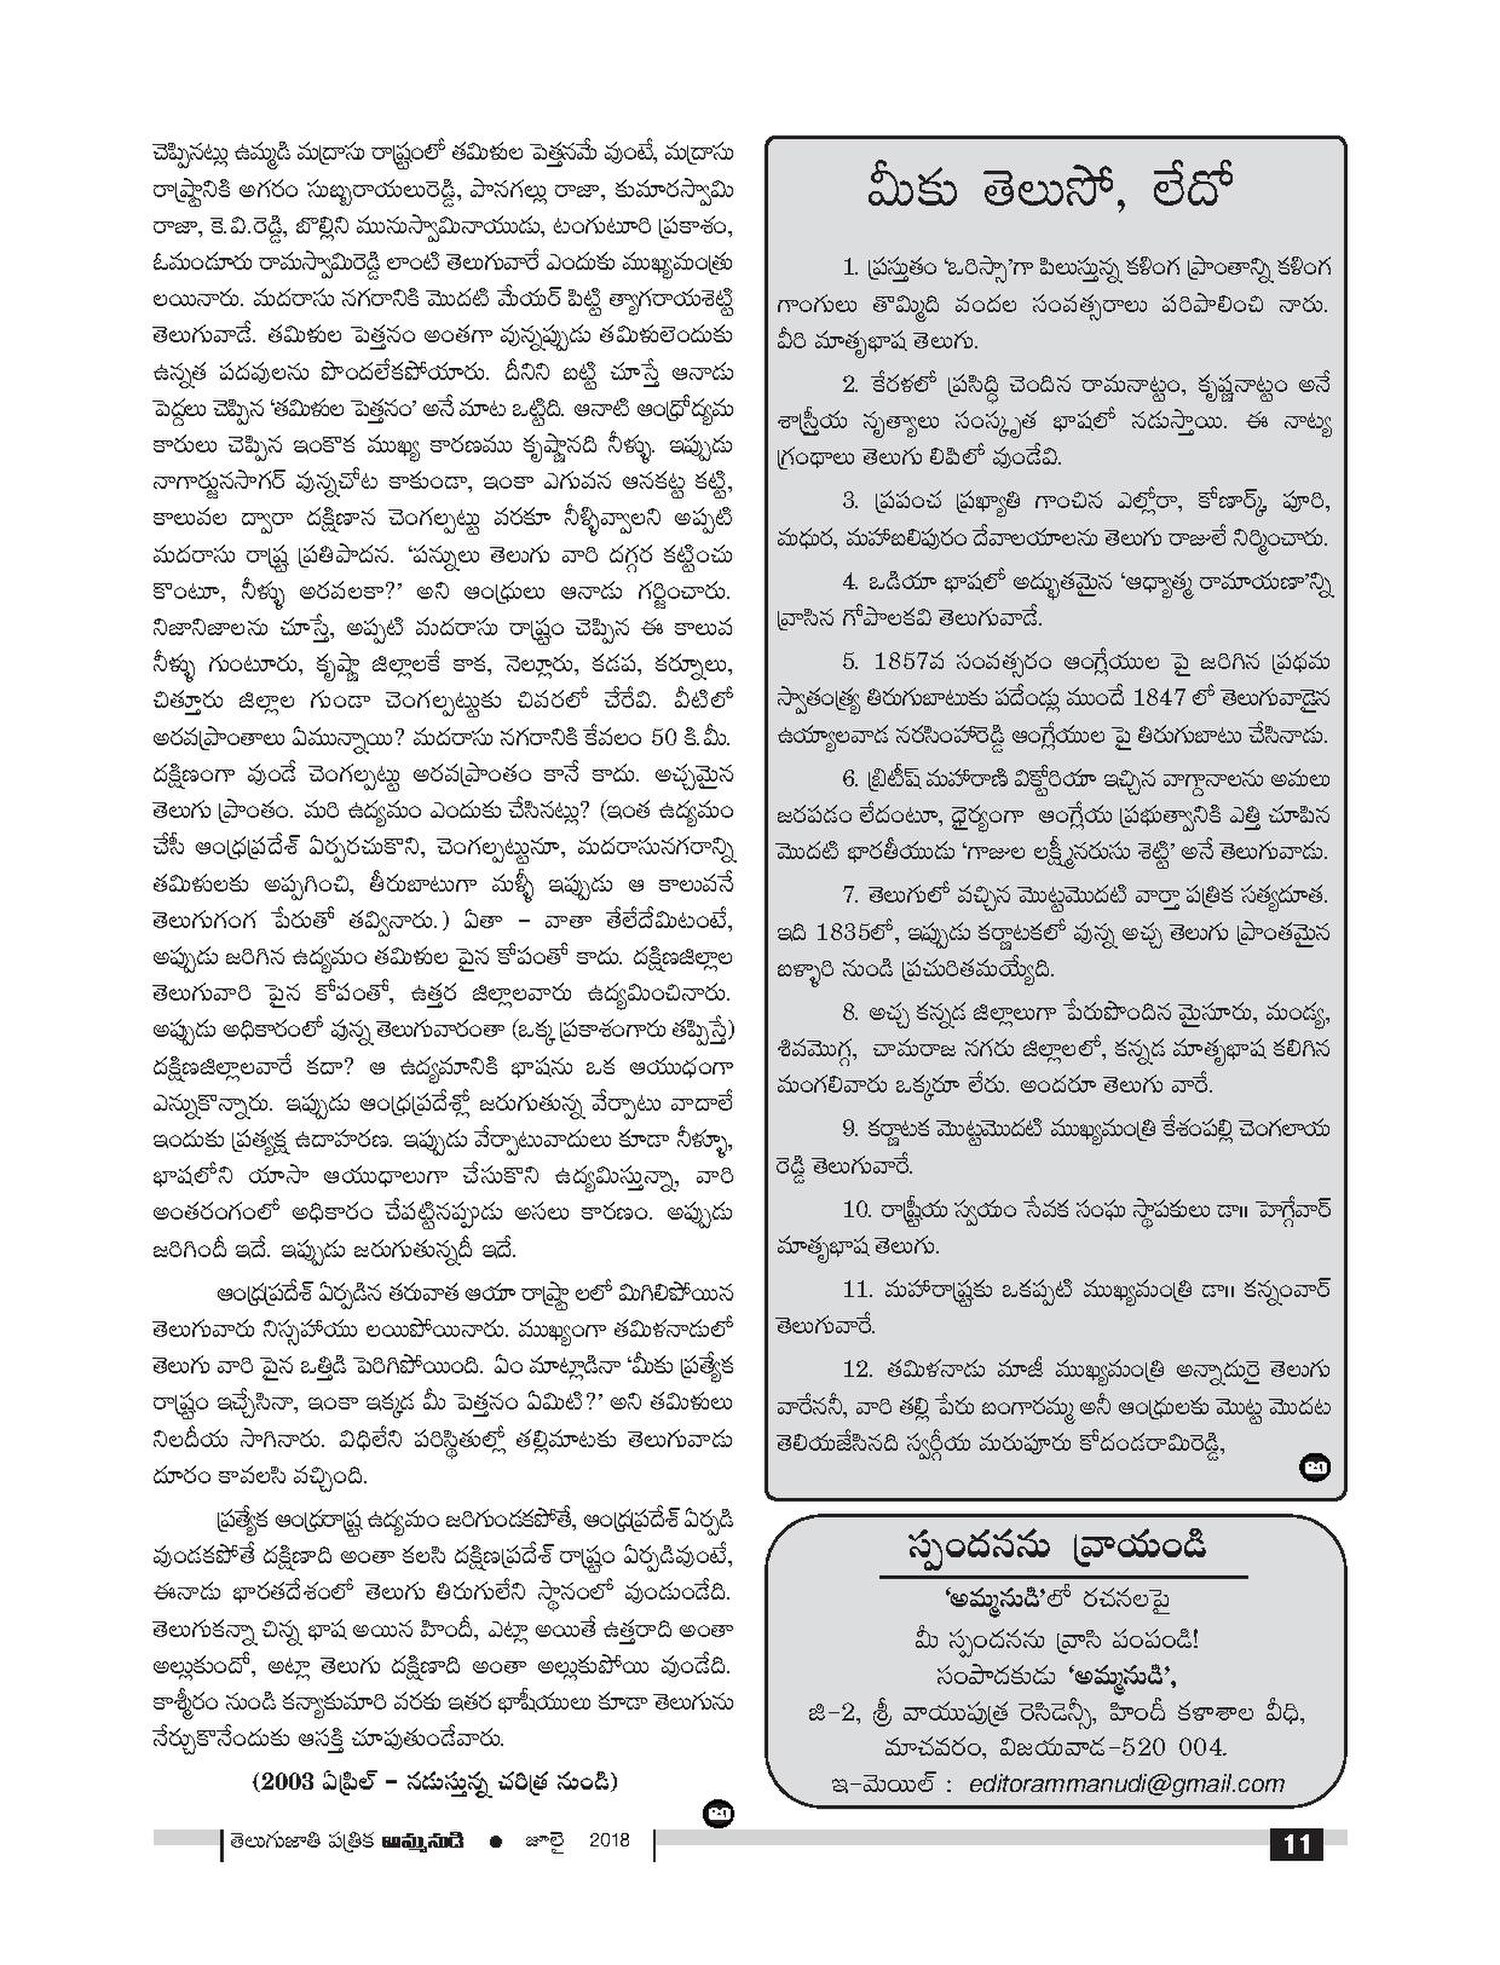చెప్పినట్లు ఉమ్మడి మద్రాసు రాష్ట్రంలో తమిళుల పెత్తనమే ఉంటే మద్రాసు రాష్ట్రానికి అగరం సుబ్బరాయలురెడ్డి, పానగల్లు రాజా, కుమారస్వామి రాజా, కె.వి.రెడ్డి, బొల్లిని మునిస్వామినాయుడు, టంగుటూరి ప్రకాశం, ఓమండూరు రామస్వామి లాంటి తెలుగువారే ఎందుకు ముఖ్యమంత్రులయినారు. మదరాసు నగరానికి మొదటి మేయర్ పిట్టి త్యాగరాయశెట్టి తెలుగువాడే. తమిళుల పెత్తనం అంతగా ఉన్నప్పుడు తమిళులెందుకు ఉన్నత పదవులను పొందలేకపోయారు. దీనిని బట్టి చూస్తే ఆనాడు పెద్దలు చెప్పిన 'తమిళుల పెత్తనం' అనే మాట ఒట్టిది. ఆనాటి ఆంధ్రోద్యమకారులు చెప్పిన ఇంకొక ముఖ్య కారణము కృష్ణానది నీళ్లు. ఇప్పుడు నాగార్జునసాగర్ వున్నచోట కాకుండా, ఇంకా ఎగువన ఆనకట్ట కట్టి, కాలువల ద్వారా దక్షిణాన చెంగల్పట్టు వరకూ నీళ్లివ్వాలని అప్పటి మదరాసు రాష్ట్ర ప్రతిపాదన 'పన్నులు తెలుగు వారి దగ్గర కట్టించుకొంటూ, నీళ్ళు అరవలకా?' అని ఆంధ్రులు ఆనాడు గర్జించారు. నిజానిజాలను చూస్తే, అప్పటి మదరాసు రాష్ట్రం చెప్పిన ఈ కాలువ నీళ్ళు గుంటూరు, కృష్ణా జిల్లాలకే కాక, నెల్లూరు, కడప, కర్నూలు, చిత్తూరు జిల్లాల గుండా చెంగల్పట్టుకు చివరలో చేరేవి. వీటిలో అరవప్రాంతాలు ఏమున్నాయి? మదరాసు నగరానికి కేవలం 50 కిలోమీటర్లు దక్షిణంగా వుండే చెంగల్పట్టు అరవ ప్రాంతం కానేకాదు అచ్చమైన తెలుగు ప్రాంతం. మరి ఉద్యమం ఎందుకు చేసినట్లు? (ఇంత ఉద్యమం చేసీ ఆంధ్రప్రదేశ్ ఏర్పరచుకొని, చెంగల్పట్టునూ, మదరాసునగరాన్ని తమిళులకు అప్పగించి, తీరుబాటుగా మళ్లీ ఇప్పుడు ఆ కాలువనే తెలుగుగంగ పేరుతో తవ్వినారు) ఏతా - వాతా తేలేదేమిటంటే, అప్పుడు జరిగిన ఉద్యమం తమిళుల పైన కోపంతో కాదు. దక్షిణజిల్లాల తెలుగువారి పైన కోపంతో, ఉత్తర జిల్లాలవారు ఉద్యమించినారు. అప్పుడు అధికారంలో వున్న తెలుగువారంతా (ఒక్క ప్రకాశంగారు తప్పిస్తే) దక్షిణజిల్లాలవారే కదా? ఆ ఉద్యమానికి భాషను ఒక ఆయుధంగా ఎన్నుకొన్నారు. ఇప్పుడు ఆంధ్రప్రదేశ్లో జరుగుతున్న వేర్పాటు వాదాలే ఇందుకు ప్రత్యక్ష ఉదాహరణ. ఇప్పుడు వేర్పాటువాదులు కూడా నీళ్ళూ, భాషలోని యాసా ఆయుధాలుగా చేసుకుని ఉద్యమిస్తున్నా, వారి అంతరంగంలో అధికారం చేపట్టినప్పుడు అసలు కారణం. అప్పుడు జరిగింది ఇదే. ఇప్పుడు జరుగుతున్నదీ ఇదే.

ఆంధ్రప్రదేశ్ ఏర్పడిన తరువాత ఆయా రాష్ట్రా లలో మిగిలిపోయిన తెలుగువారు నిస్సహాయు లయిపోయినారు. ముఖ్యంగా తమిళనాడులో తెలుగు వారి పైన ఒత్తిడి పెరిగిపోయింది. ఏం మాట్లాడినా 'మీకు ప్రత్యేక రాష్ట్రం ఇచ్చేసినా, ఇంకా ఇక్కడ మీ పెత్తనం ఏమిటి?' అని తమిళులు నిలదీయ సాగినారు. విధిలేని పరిస్థితుల్లో తల్లిమాటకు తెలుగువాడు దూరం కావలసి వచ్చింది.

ప్రత్యేక ఆంధ్రరాష్ట్ర ఉద్యమం జరిగుండకపోతే, ఆంధ్రప్రదేశ్ ఏర్పడి వుండకపోతే దక్షిణాది అంతా కలిసి దక్షిణప్రదేశ్ రాష్ట్రం ఏర్పడివుంటే, ఈనాడు భారతదేశంలో తెలుగు తిరుగులేని స్థానంలో వుండుండేది. తెలుగుకన్నా చిన్న భాష అయిన హిందీ ఎట్లా అయితే ఉత్తరాది అంతా అల్లుకుందో, అట్లా తెలుగు దక్షిణాది అంతా అల్లుకుపోయి వుండేది. కాశ్మీరు నుండి కన్యాకుమారి వరకు ఇతర భాషీయులు కూడా తెలుగును నేర్చుకునేందుకు ఆసక్తి చూపుతుండేవారు.

(2003 ఏప్రిల్ - నడుస్తున్న చరిత్ర నుండి)

మీకు తెలుసో, లేదో 

 ప్రస్తుతం 'ఒరిస్సా'గా పిలుస్తున్న కళింగ ప్రాంతాన్ని కళింగగాంగులు తొమ్మిది వందల సంవత్సరాలు పరిపాలించి నారు. వీరి మాతృభాష తెలుగు.
 కేరళలో ప్రసిద్ధిచెందిన రామనాట్టం, కృష్ణనాట్టం అనే శాస్త్రీయ నృత్యాలు సంస్కృత భాషలో నడుస్తాయి. ఈ నాట్య గ్రంథాలు తెలుగు లిపిలో ఉండేవి.
 ప్రపంచ ప్రఖ్యాతి గాంచిన ఎల్లోరా, కోణార్క్, పూరి, మధుర, మహాబలిపురం దేవాలయాలను తెలుగు రాజులే నిర్మించారు.
 ఒడియా భాషలో అద్భుతమైన ఆధ్యాత్మిక రామాయణాన్ని వ్రాసిన గోపాలకవి తెలుగువాడే.
 1857వ సంవత్సరం ఆంగ్లేయులపై జరిగిన ప్రథమ స్వాతంత్ర్య తిరుగుబాటుకు పదేండ్లు ముందే 1847లో తెలుగువాడైన ఉయ్యాలవాడ నరసింహారెడ్డి ఆంగ్లేయులపై తిరుగుబాటు చేసినాడు.
 బ్రిటీష్ మహారాణి విక్టోరియా ఇచ్చిన వాగ్దానాలను అమలు జరపడం లేదంటూ, ధైర్యంగా ఆంగ్లేయ ప్రభుత్వానికి ఎత్తిచూపిన మొదటి భారతీయుడు 'గాజుల లక్ష్మీనరుసు శెట్టి' అనే తెలుగువాడు.
 తెలుగులో వచ్చిన మొట్టమొదటి వార్తా పత్రిక సత్యదూత. ఇది 1835లో, ఇప్పుడు కర్ణాటకలో వున్న అచ్చ తెలుగు ప్రాంతమైన బళ్ళారి నుండి ప్రచురితమయ్యేది.
 అచ్చ కన్నడ జిల్లాలుగా పేరుపొందిన మైసూరు, మండ్య, శివమొగ్గ, చామరాజ నగరు జిల్లాలలో కన్నడ మాతృభాష కలిగిన మంగలివారు ఒక్కరూ లేరు. అందరూ తెలుగువారే
 కర్ణాటక మొట్టమొదటి ముఖ్యమంత్రి కేశంపల్లి చెంగలాయ రెడ్డి తెలుగువారే.
 రాష్ట్రీయ స్వయం సేవక సంఘ స్థాపకులు డా॥ హెగ్గేవార్ మాతృభాష తెలుగు.
 మహారాష్ట్రకు ఒకప్పటి ముఖ్యమంత్రి డా॥ కన్నంవార్ తెలుగువారే.
 తమిళనాడు మాజీ ముఖ్యమంత్రి అన్నాదురై తెలుగువారేననీ, వారి తల్లి పేరు బంగారమ్మ అనీ ఆంధ్రులకు మొట్టమొదట తెలియజేసినది స్వర్గీయ మరుపూరు కోదండరామిరెడ్డి.

స్పందనను వ్రాయండి
______________
'అమ్మనుడి'లో రచనలపై మీ స్పందనలు వ్రాసి పంపండి!
సంపాదకుడు 'అమ్మనుడి',
జి-2, వాయుపుత్ర రెసిడెన్సీ, హిందీ కళాశాల వీధి, 
మాచవరం, విజయవాడ-520 004.
ఇ-మెయిల్ : editorammanudi@gmail.com